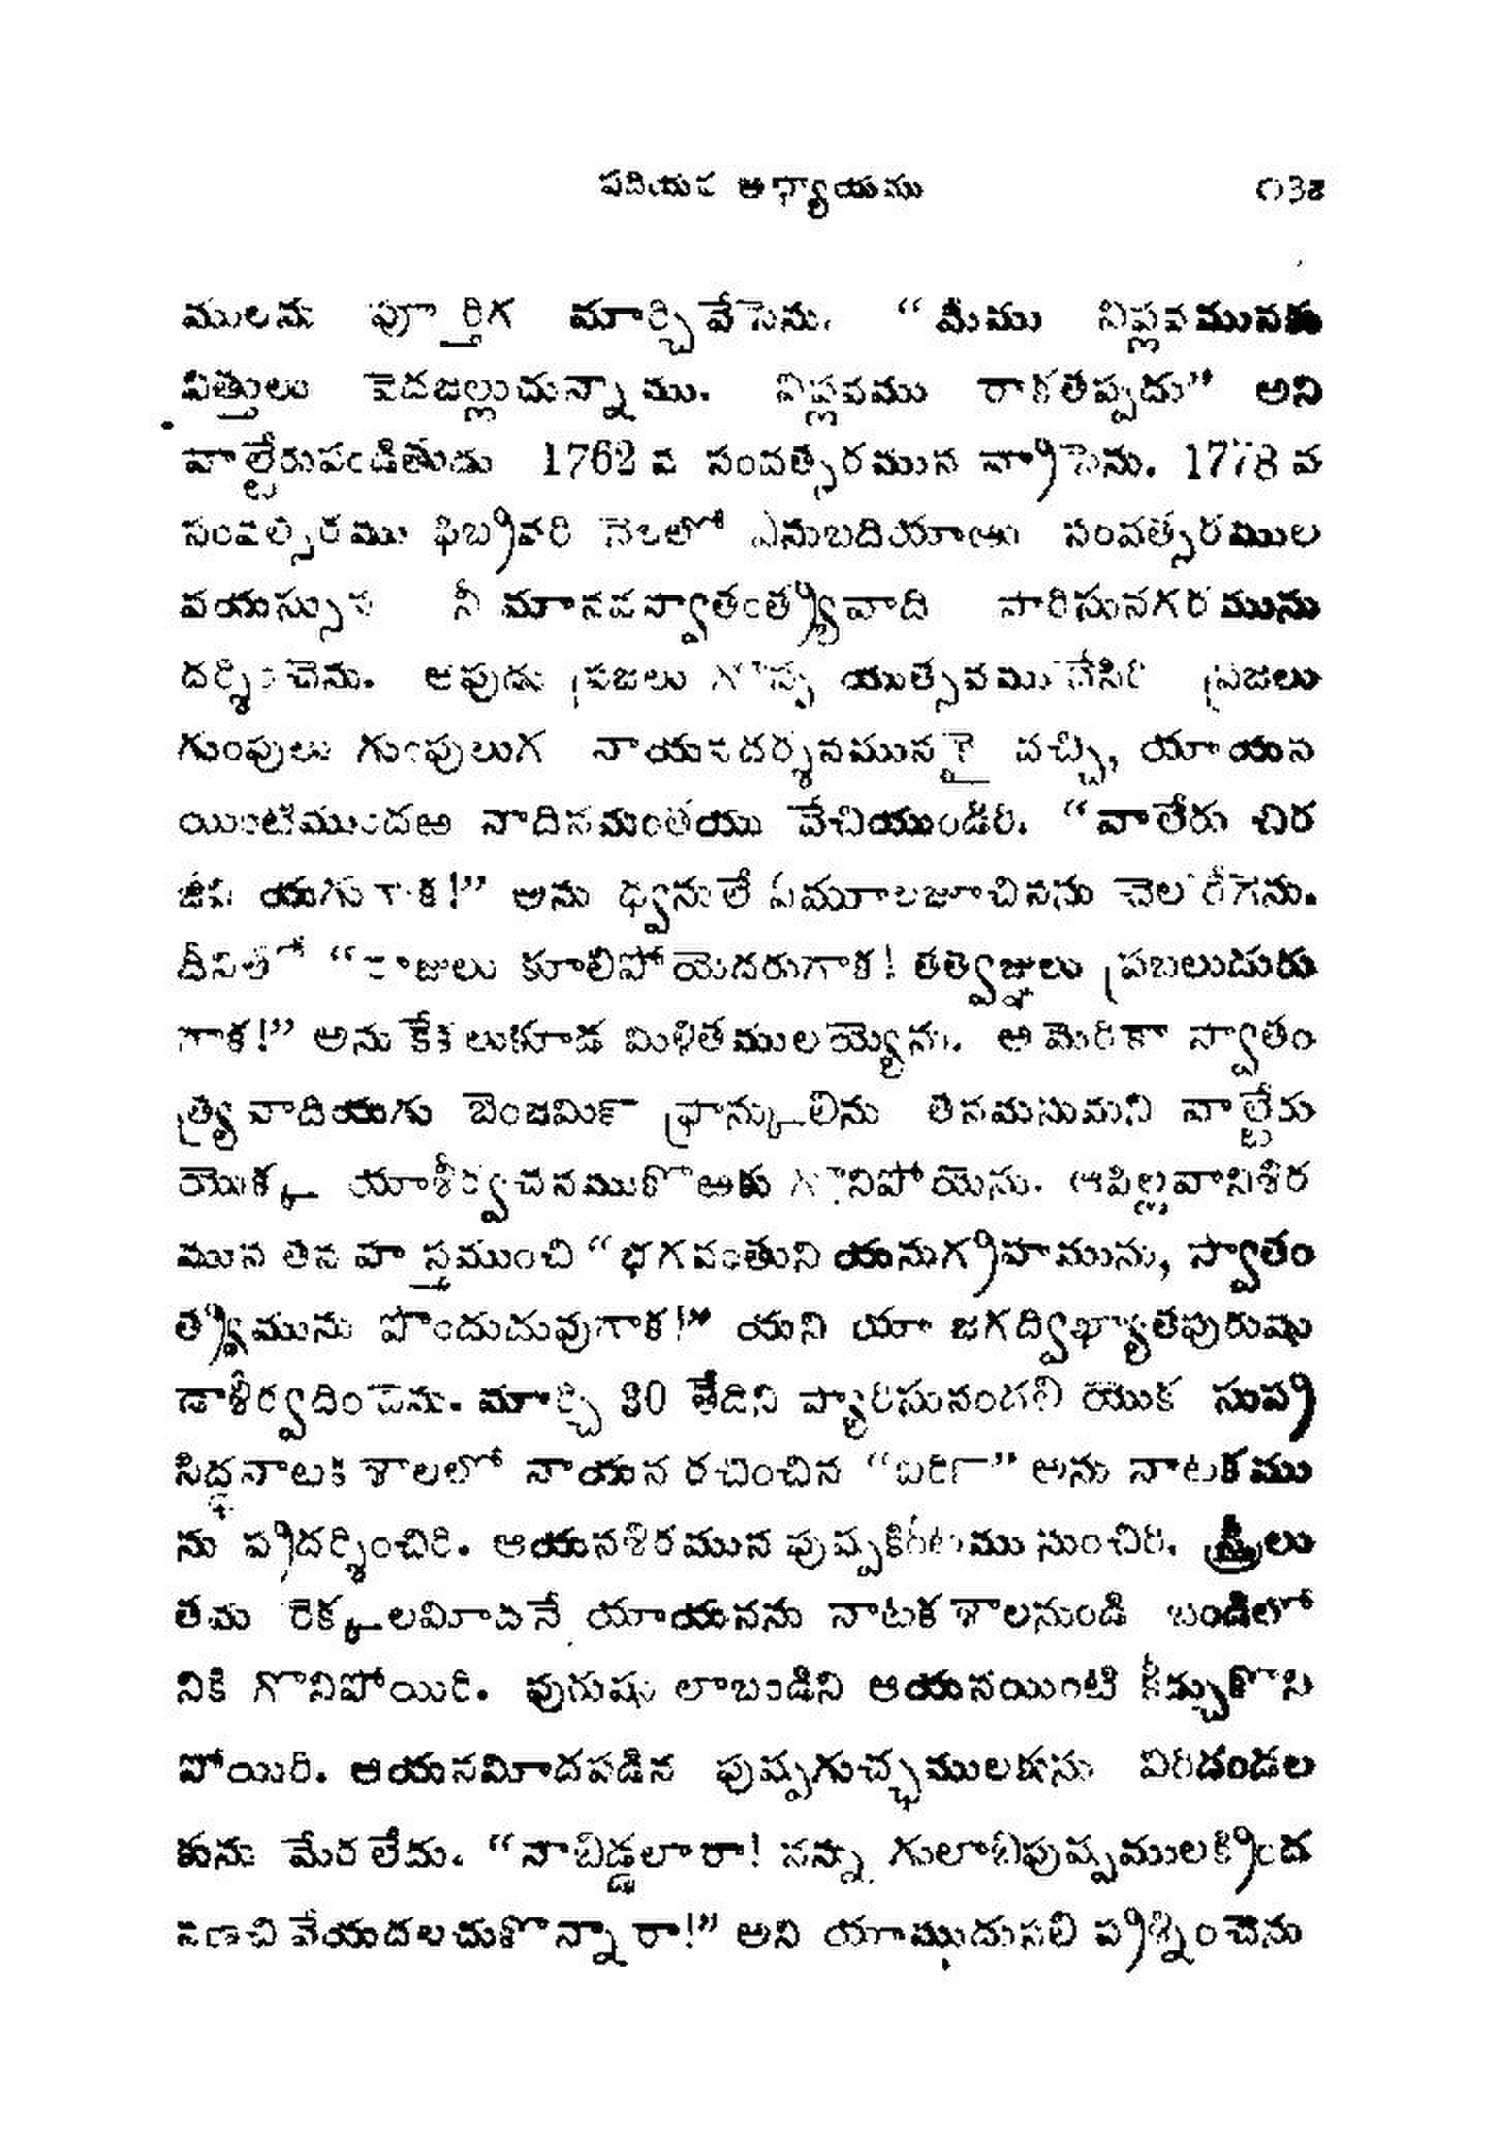ములను పూర్తిగా మార్చివేసెను. " మేము విప్లవమునకు
విత్తులు వెదజల్లుచున్నాము. విప్లవము రాకతప్పదు" అని
వాల్టేరు పండితుడు 1762 వ సంవత్సరమున వ్రాసెను. 1778 వ
సంవత్సరము. ఫిబ్రవరి నెలలో ఎనుబదియారు సంవత్సరముల
వయస్సు నీ మానవ స్వాతంత్య వాది పారీసు నగర మును
దర్శించెను. అప్పుడు ప్రజలు గొప్ప యుత్సవము చేసిరి ప్రజలు
గుంపులు గుంపులుగ నాయన దర్శనమునకై వచ్చి, యా యన
యింటిముందర నాదిన మంతయు వేచియుండిరి. వాల్టేరు చిరం
జీవి: యగు గాక" అను ద్వనులే ఏమూల జూచిసను చెలరేగెను.
దీనితో. రాజులు కూలిపోయెదరుగాక ! తత్వజులు ప్రబలుదురు
గాక!” అను కేక లుకూడ మిళితములయ్యెను. ఆమెరికా స్వాతం
త్ర్యై నాదియగు బెంజమిన్" ఫ్రాన్కులను తనమసుముని వాల్టేరు
యొక్క యాశీర్వచనముకొరకు గొనిపోయెను. పిల్లవాని శిర
మున తన హస్తముంచి " భగవంతుని యనుగ్రహమును, స్వాతం
త్వమును పొందుదువుగాక" యని యా జగద్విఖ్యాతపురుషు
డాశీర్వదించెను. మార్చి 30 తేదిని ప్యారిసుసందలి యొక సుప్ర
సిద్ధ నాటక శాలలో నాయన రచించిన "బరిన్ అను నాటకము
ను ప్రదర్శించిరి. ఆయన శిరమున పుష్పకిరీటము సుంచిరి. స్త్రీలు
తమ రెక్కలమీదనే యాయనను నాటక శాలనుండి బండిలో
నికి గొనిపోయిరి. వురుష, లాబండిని ఆయనయంటి కీడ్చుకొని
పోయిరి. ఆయన మీదపడిన పుష్పగుచ్ఛములకును, విరిదండల
కును మేర లేదు. "నాబిడ్డలారా! నన్న గులాబీ పుష్పముల కింద
అణచి వేయదలచుకొన్నారా!" అని యూముదుసలి ప్రశ్నించెను